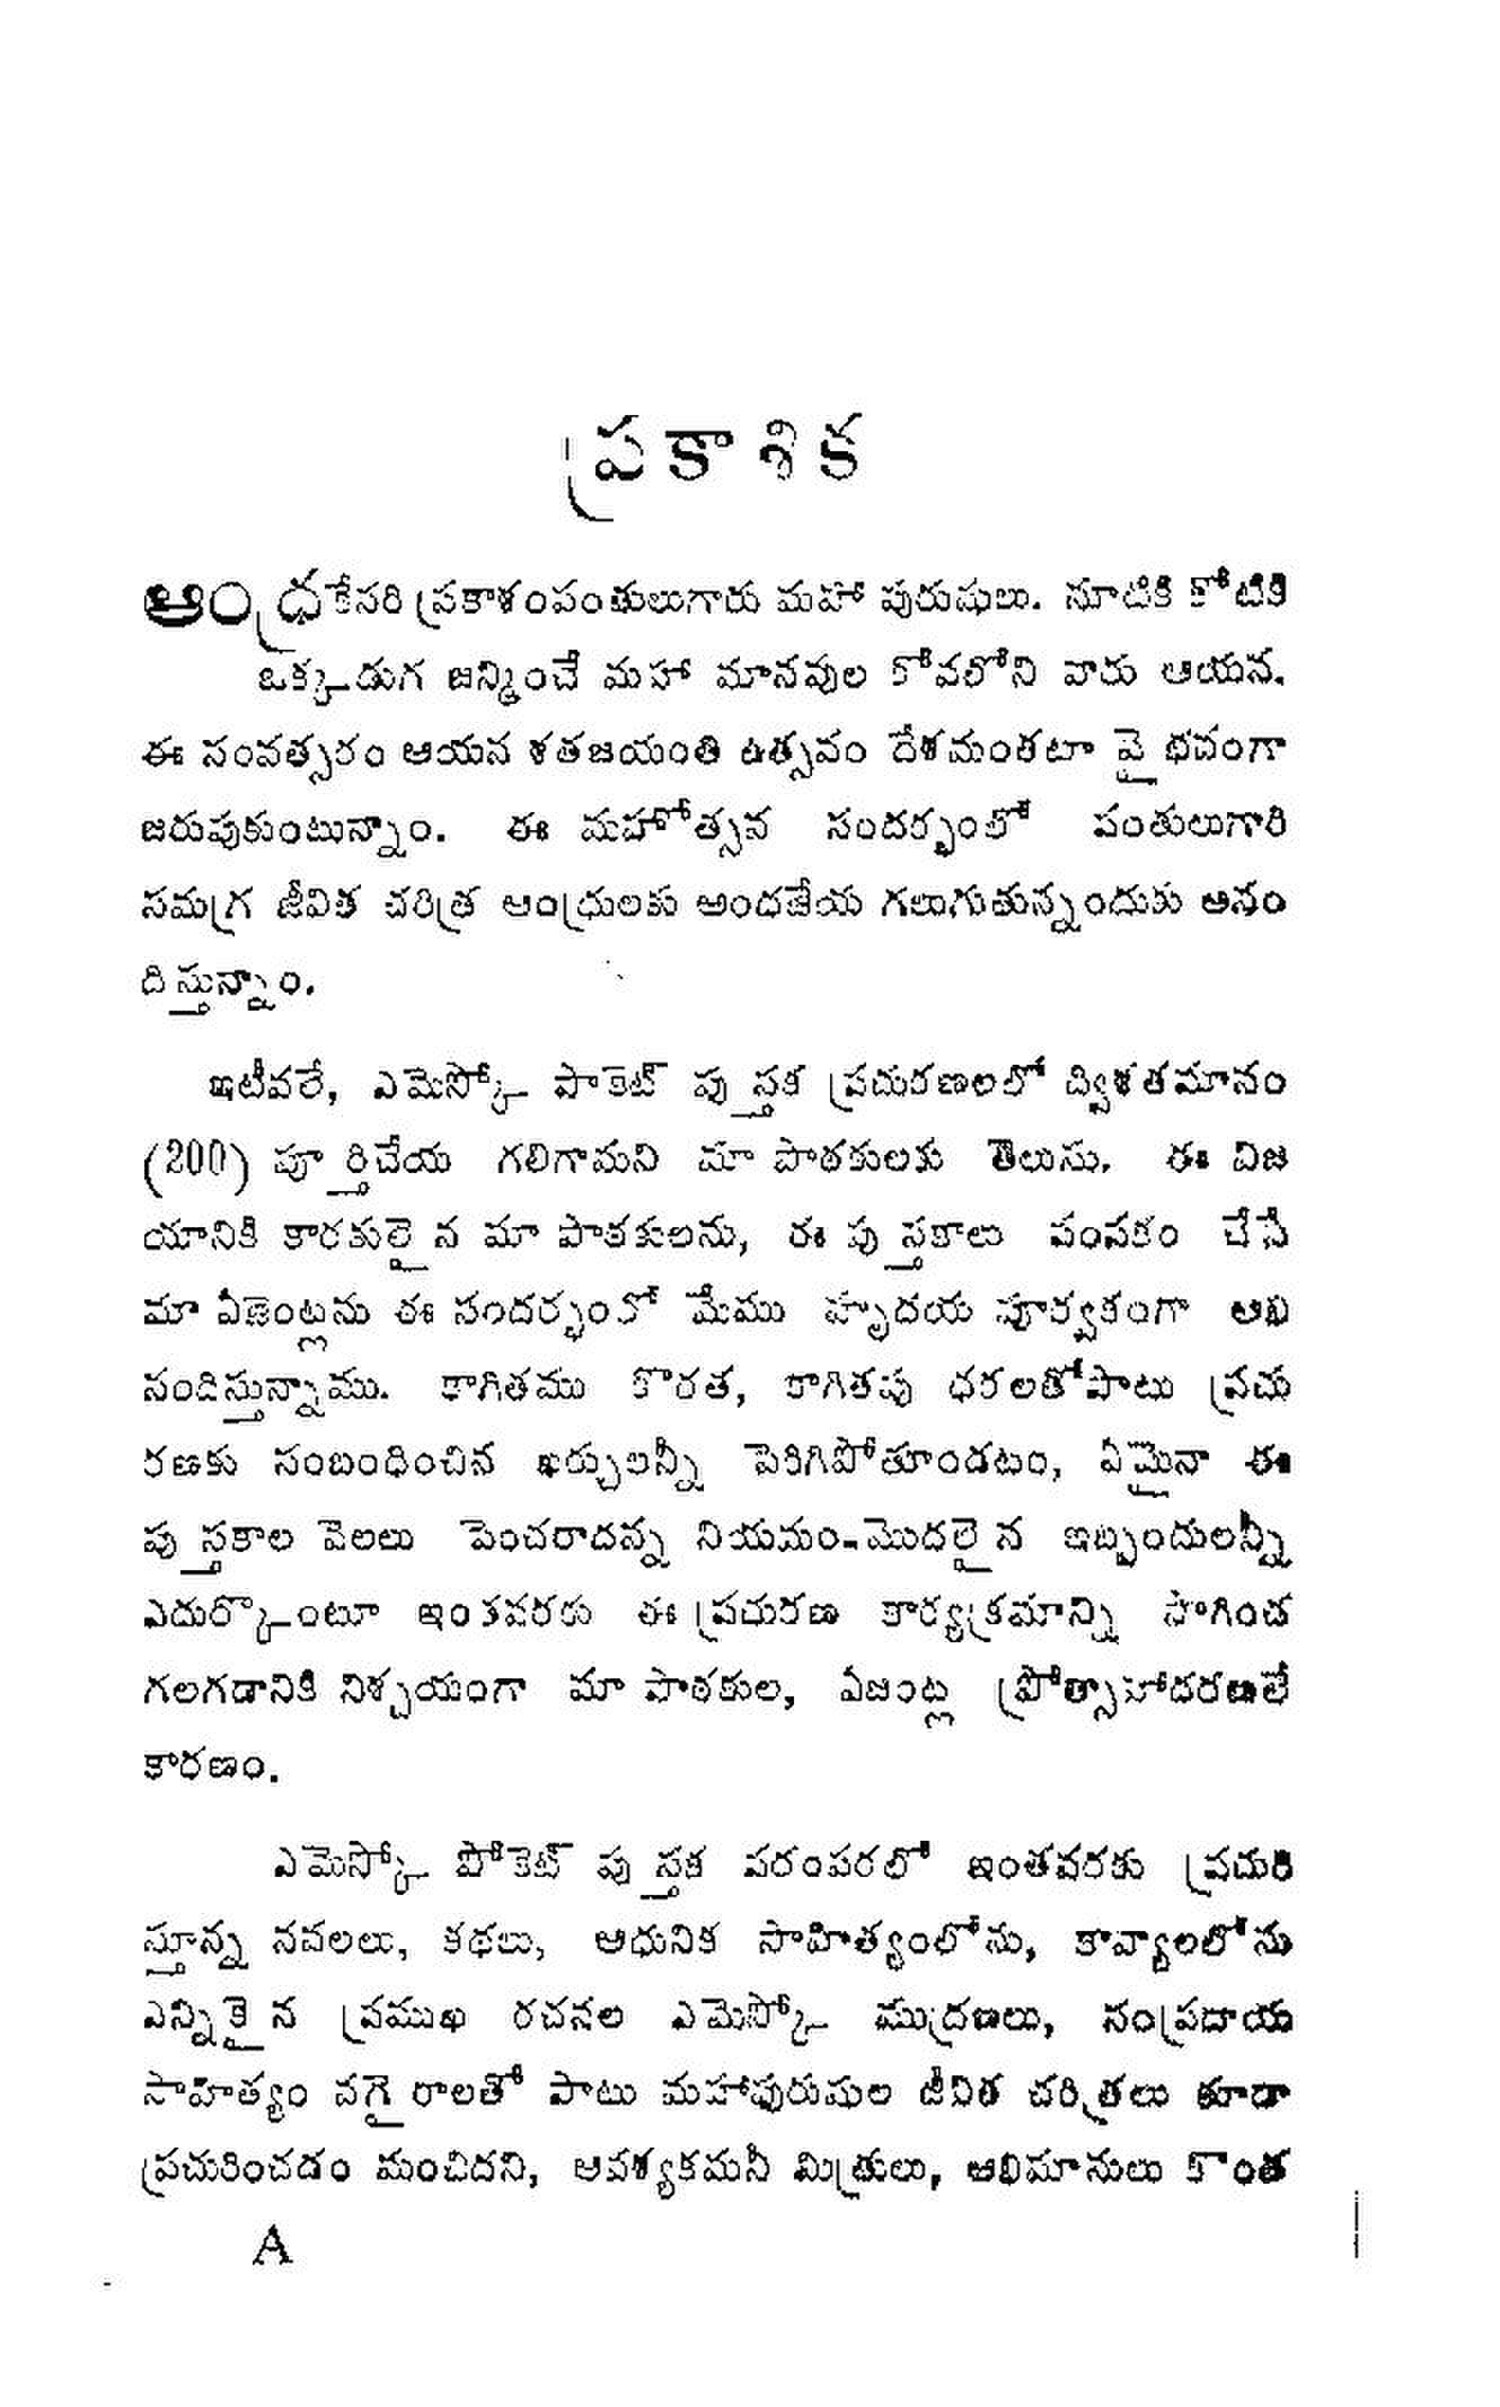ఆంధ్రకేసరి ప్రకాశంపంతులుగారు మహా పురుషులు. నూటికి కోటికి ఒక్కడుగ జన్మించే మహా మానవుల కోవలోని వారు ఆయన. ఈ సంవత్సరం ఆయన శతజయంతి ఉత్సవం దేశమంతటా వైభవంగా జరుపుకుంటున్నాం. ఈ మహోత్సవ సందర్భంలో పంతులుగారి సమగ్ర జీవిత చరిత్ర ఆంధ్రులకు అందజేయ గలుగుతున్నందుకు ఆనందిస్తున్నాం.

ఇటీవలే, ఎమెస్కో పాకెట్ పుస్తక ప్రచురణలలో ద్విశతమానం (200) పూర్తిచేయ గలిగామని మా పాఠకులకు తెలుసు. ఈ విజయానికి కారకులైన మా పాఠకులను, ఈ పుస్తకాలు పంపకం చేసే మా ఏజెంట్లను ఈ సందర్భంలో మేము హృదయ పూర్వకంగా అభినందిస్తున్నాము. కాగితము కొరత, కాగితపు ధరలతోపాటు ప్రచురణకు సంబంధించిన ఖర్చులన్నీ పెరిగిపోతూండటం, ఏమైనా ఈ పుస్తకాల వెలలు పెంచరాదన్న నియమం-మొదలైన ఇబ్బందులన్నీ ఎదుర్కొంటూ ఇంతవరకు ఈ ప్రచురణ కార్యక్రమాన్ని సాగించ గలగడానికి నిశ్చయంగా మా పాఠకుల, ఏజంట్ల ప్రోత్సాహాదరణలే కారణం.

ఎమెస్కో పోకెట్ పుస్తక పరంపరలో ఇంతవరకు ప్రచురిస్తూన్న నవలలు, కథలు, ఆధునిక సాహిత్యం లోను, కావ్యాలలోను ఎన్నికైన ప్రముఖ రచనల ఎమెస్కో ముద్రణలు, సంప్రదాయ సాహిత్యం వగైరాలతో పాటు మహాపురుషుల జీవిత చరిత్రలు కూడా ప్రచురించడం మంచిదని, ఆవశ్యకమనీ మిత్రులు, అభిమానులు కొంత